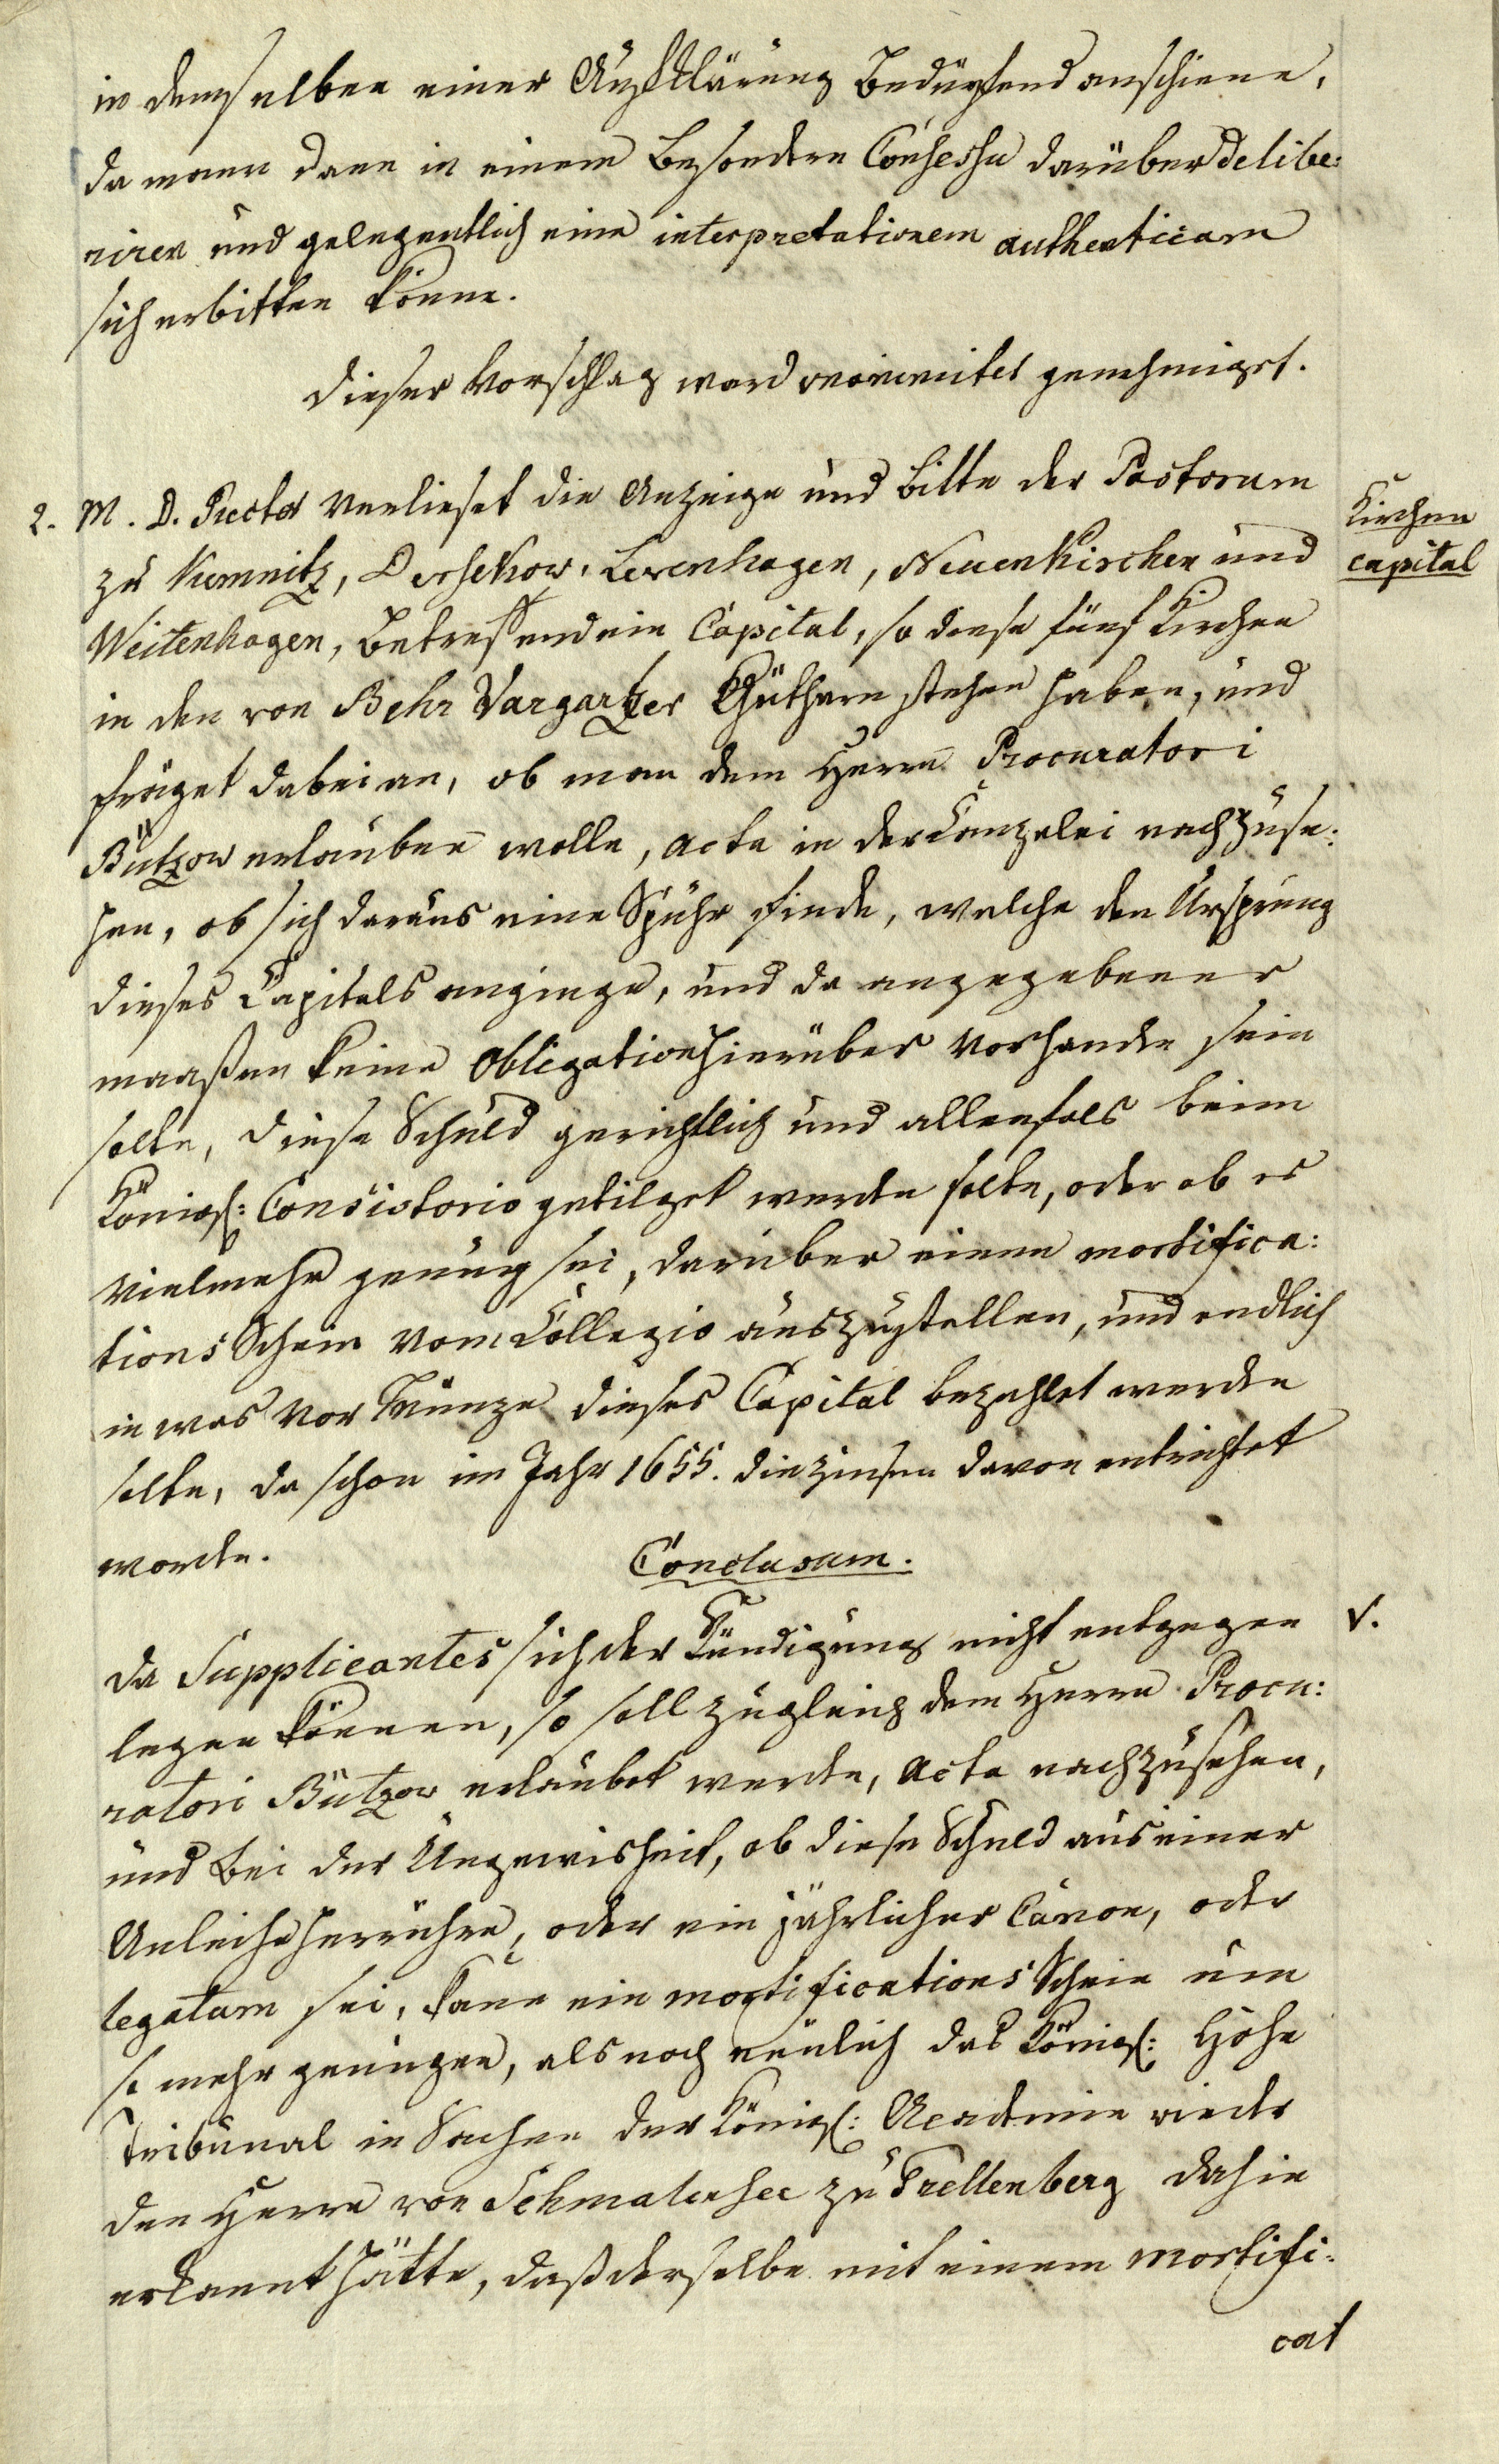in demselben einer Aufklärung bedeÿtend anschiene,
da mann dann in einem besondern Cosessu darüber delibe¬
riren und gelegentlich eine interpretationem authenticam
sich erbitten könne.
Dieser Vorschlag ward unanimiter genehmiget.
M. D. Rector verlieset die Anzeige und Bitte der Pastorum
zu Kemnitz, Dersekow, Levenhagen, Neuenkirchen und
Weitenhagen, betreffend ein Capital, so diese fünf Kirchen
in den von Behr Vargatzer Güthern stehen haben, und
fräget dabei an, ob man dem Herrn Procuratori
Bützow erlauben wolle, Acta in der Canzelei nachzuse¬
hen, ob sich daraus eine Spuhr finde, welche den Ursprung
dieses Capitals anginge, und da angegebener
maaßen keine Obligation hierüber vorhanden sein
solte, diese Schuld gerichtlich und allenfals beim
Königl. Consistorio getilget werden solte, oder ob es
vielmehr genug sei, darüber einen mortifica¬
tions Schein vom Collegio auszustellen, und endlich
in was vor Münze dieses Capital bezahlet werden
solte, da schon im Jahr 1655. die Zinsen davon entrichtet
worden.
Conclusum
Da Supplicantes sich der Kündigung nicht entgegen
legen könen, so soll zugleich dem Herrn Procu¬
ratori Bützow erlaubet werden, Acta nachzusehen,
und bei der Ungewisheit, ob diese Schuld aus einer
Anleihe herrühre, oder ein jährlicher Canon, oder
legatum sei, kann ein mortifications Schein um
so mehr genügen, als noch neulich das Königl. Hohe
Tribunal in Sachen der Königl. Academie wieder
den Herrn von Schmalensee zu Grellenberg dahin
erkannt hätte, daß derselbe mit einem mortifi¬
cat